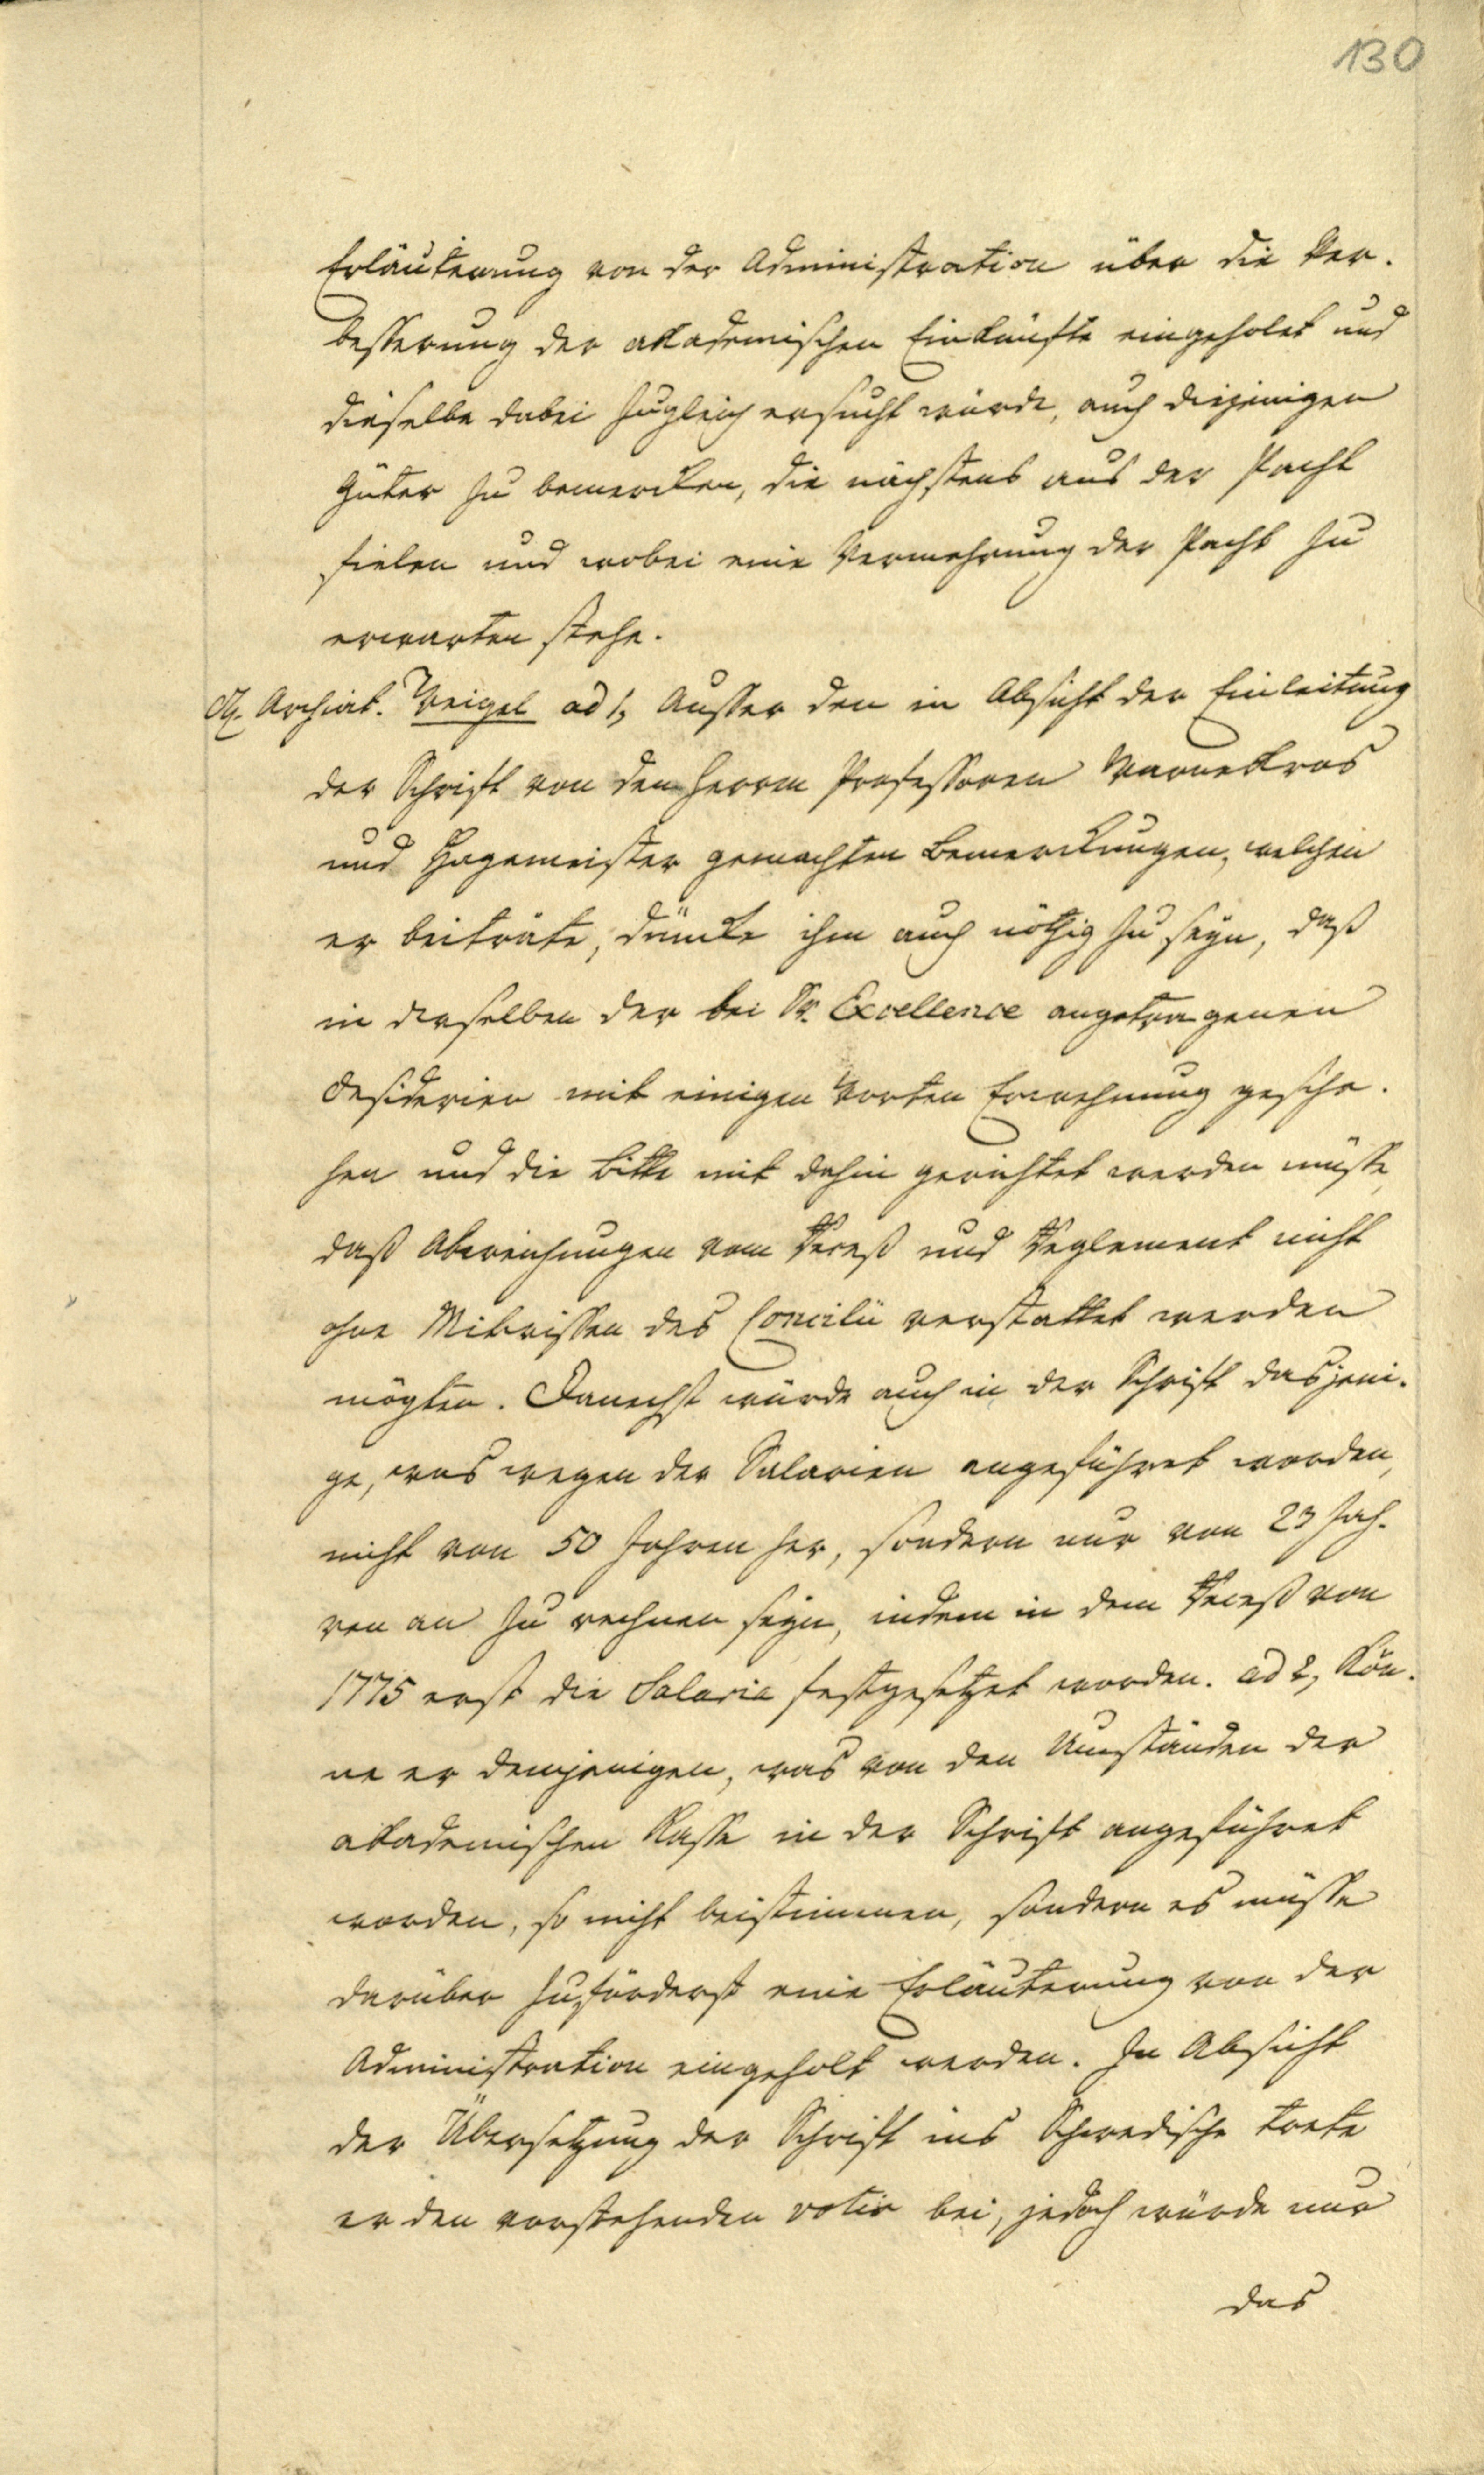Erläuterung von der Administration über die Ver¬
besserung der akademischen Einkünfte eingeholet und
dieselbe dabei zugleich ersucht würde, auch diejenigen
Güter zu bemercken, die nächstens aus der Pacht
fielen und wobei eine Vermehrung der Pacht zu
erwarten stehe.
dh. Archiat. Weigel ad 1, Ausser dem in Absicht der Einleitung
der Schrift von den Herrn Professoren Warnekros
und Hagemeister gemachten Bemerckungen, welchen
er beiträte, düncke ihm auch nöthig zu seÿn, daß
in derselben der bei Sr Excellence angetragenen
Desiderien mit einigen Worten Erwehnung gesche¬
hen und die Bitte mit dahin gerichtet werden müsse,
daß Abweichungen vom Receß und Reglement nicht
ohne Mitwissen des Concilii verstattet werden
mögten. Danechst würde auch in der Schrift dasjeni¬
ge, was wegen der Salarien angeführet worden,
nicht von 50 Jahren her, sondern nur von 23 Jah¬
ren an zu rechnen seÿn, indem in dem Receß von
1775 erst die Salaria festgesetzet worden. ad 2., kön¬
ne er demjenigen, was von den Umständen der
akademischen Kasse in der Schrift angeführet
worden, so nicht beistimmen, sondern es müsse
darüber zuförderst eine Erläuterung von der
Administration eingeholt werden. In Absicht
der Übersetzung der Schrift ins Schwedische trete
er den vorstehenden votis bei, jedoch würde nur
das